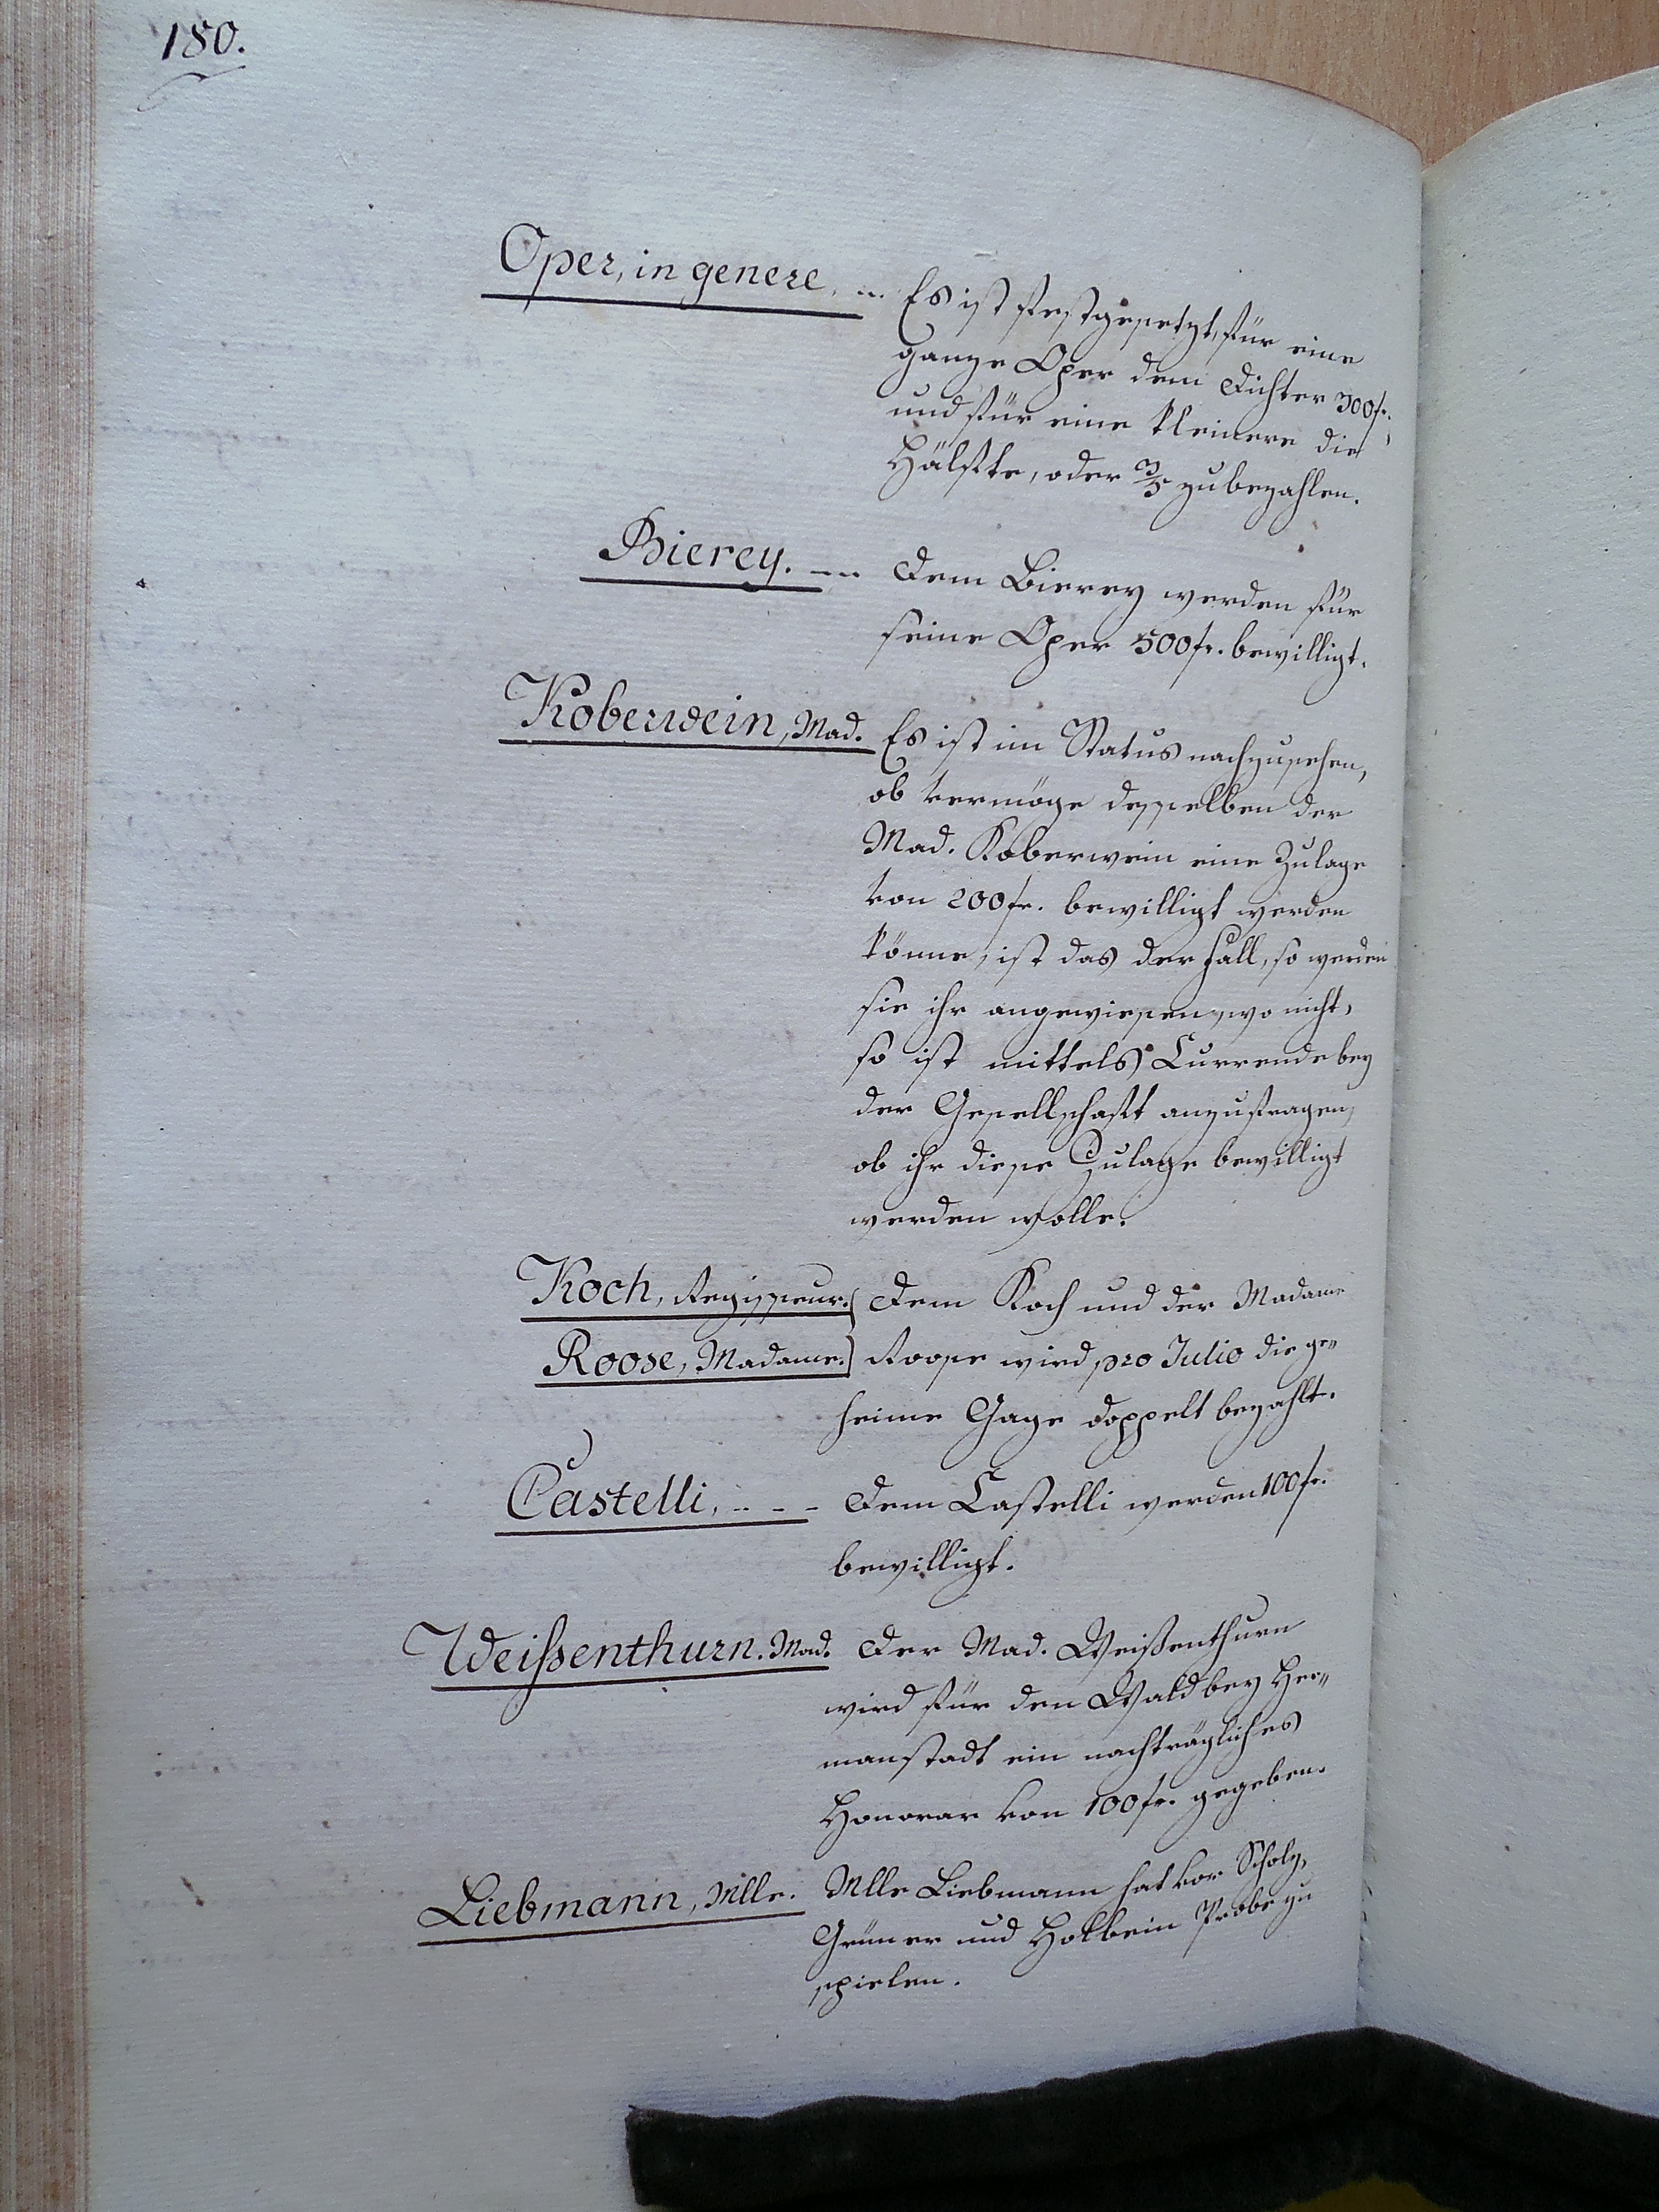180.
Oper,in genere, ... Es ist festgesetzt. für eine
ganze Oper dem Dichter 300fr.
und für eine kleinere die
Hälfte, oder 3/5 zu bezahlen.
Bierey. .. .. Dem Bierey werden für
seine Oper 500fr. bewilligt.
Koberwein, Mad. Es ist im Status nachzusehen,
ob vermöge desselben der
Mad. Koberwein eine Zulage
von 200fr. bewilligt werden
könne ist, das der Fall so werden
sie ihr angewiesen, wo nicht,
so ist mittels Currende bey
der Gesellschaft anzufragen,
ob ihr diese Zulage bewilligt
werden wolle.
Koch, Regisseur.
Roose, Madame.
Dem Koch und der Madame
Roose wird pro Julio die ge¬
heime Gage doppelt bezahlt.
Castelli, .. .. .. Dem Castelli werden 100fr.
bewilligt.
Weissenthurn, Mad. Der Mad. Weißenthurn
wird für den Wald bey Her¬
manstadt ein nachträgliches
Honorar von 100fr. gegeben.
Liebmann, Mlle. Mlle Liebmann hat vor Scholz,
Grüner und Holbein Probe zu
spielen.